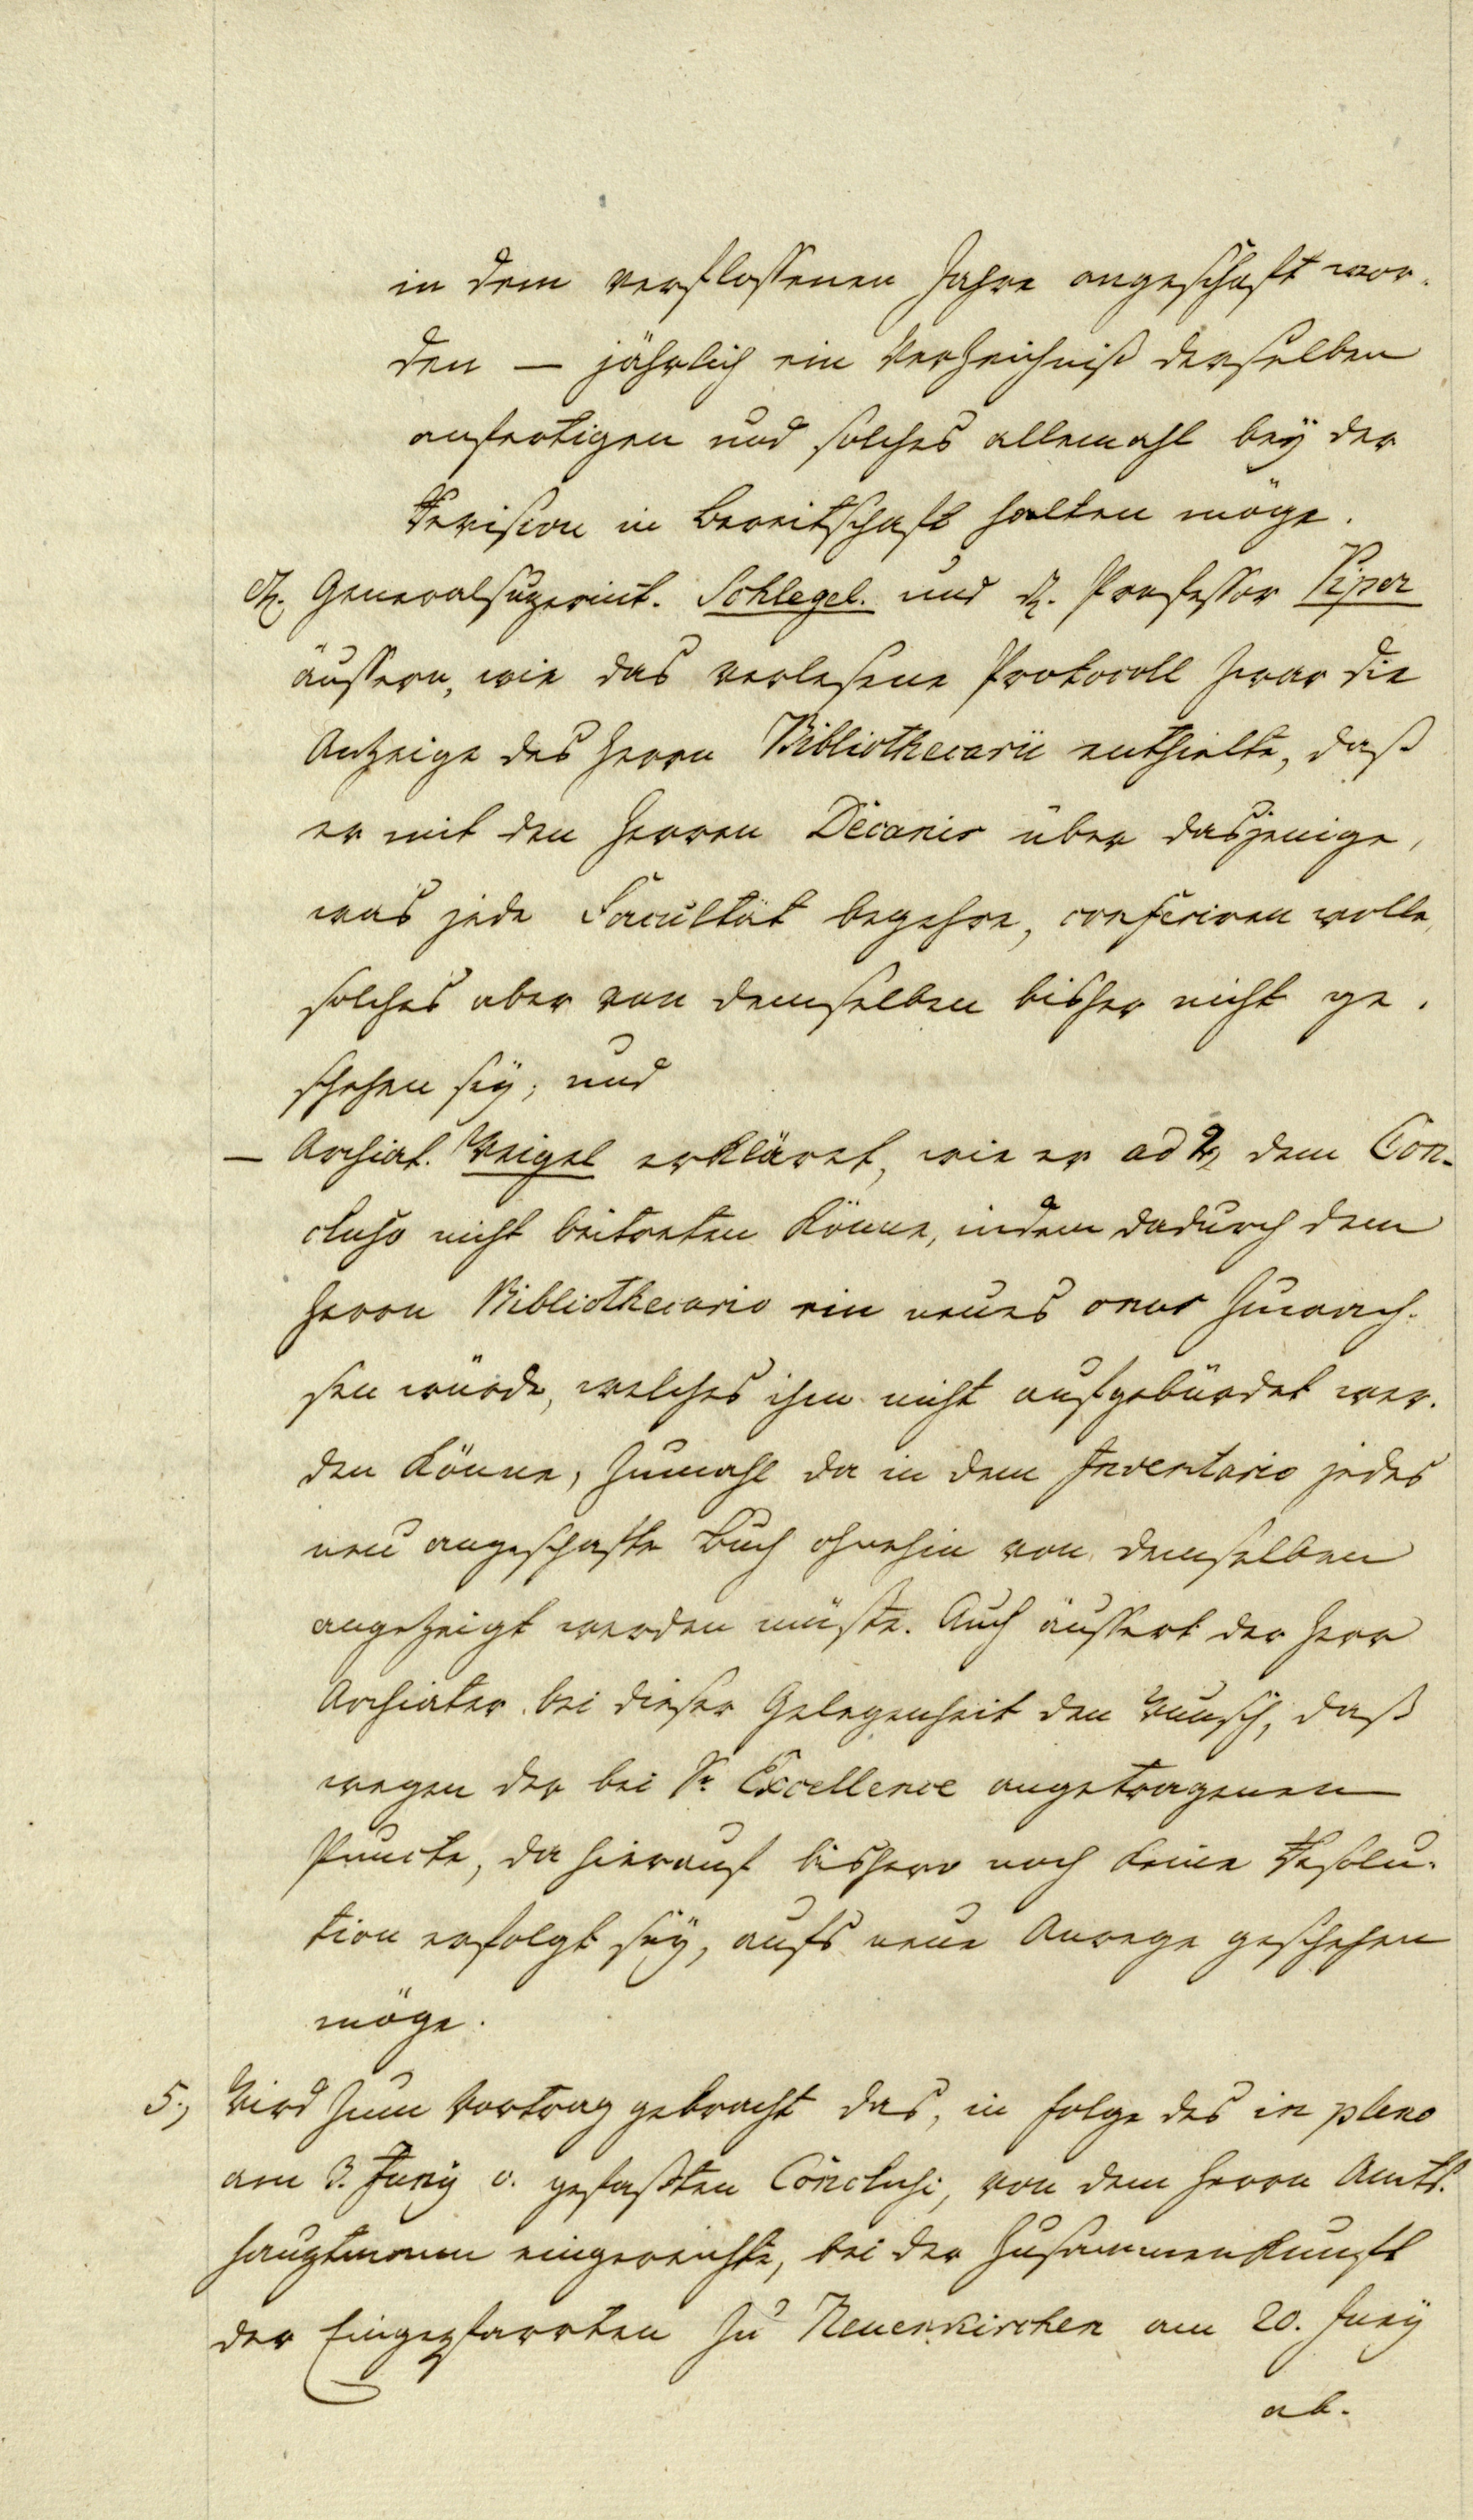in dem verflossenen Jahre angeschaft wor¬
den jährlich ein Verzeichniß derselben
anfertigen und solches allemahl beÿ der
Revision in Bereitschaft halten möge.
dh. Generalsuperint. Schlegel. und dh. Professor Piper
äussern, wie das verlesene Protocoll zwar die
Anzeige des herrn Bibliothecarii enthielte, daß
er mit den herren Decanis über dasjenige,
was jede Facultät begehre, conferiren wolle,
solches aber von demselben bisher nicht ge¬
schehen seÿ, und
Archiat. Weigel erkläret, wie er ad 2, dem Con¬
cluso nicht beitreten könne, indem dadurch dem
herrn Bibliothecario ein neues onus zuwach¬
sen würde, welches ihm nicht aufgebürdet wer¬
den könne, zumahl da in dem Inventario jedes
neu angeschafte Buch ohnehin von demselben
angezeigt werden müste. Auch äussert der herr
Archiater bei dieser Gelegenheit den Wunsch, daß
wegen der bei Sr. Excellence angetragenen
Puncte, da hierauf bishero noch keine Resolu¬
tion erfolgt seÿ, aufs neue Anrege geschehen
möge.
5., Wird zum Vortrag gebracht das, in Folge des in pleno
am 3. Junÿ a. gefaßten Conclusi, von dem herrn Amts¬
hauptmann eingereichte, bei der Zusammenkunft
der Eingepfarrten zu Neuenkirchen am 20. Junÿ
ab.